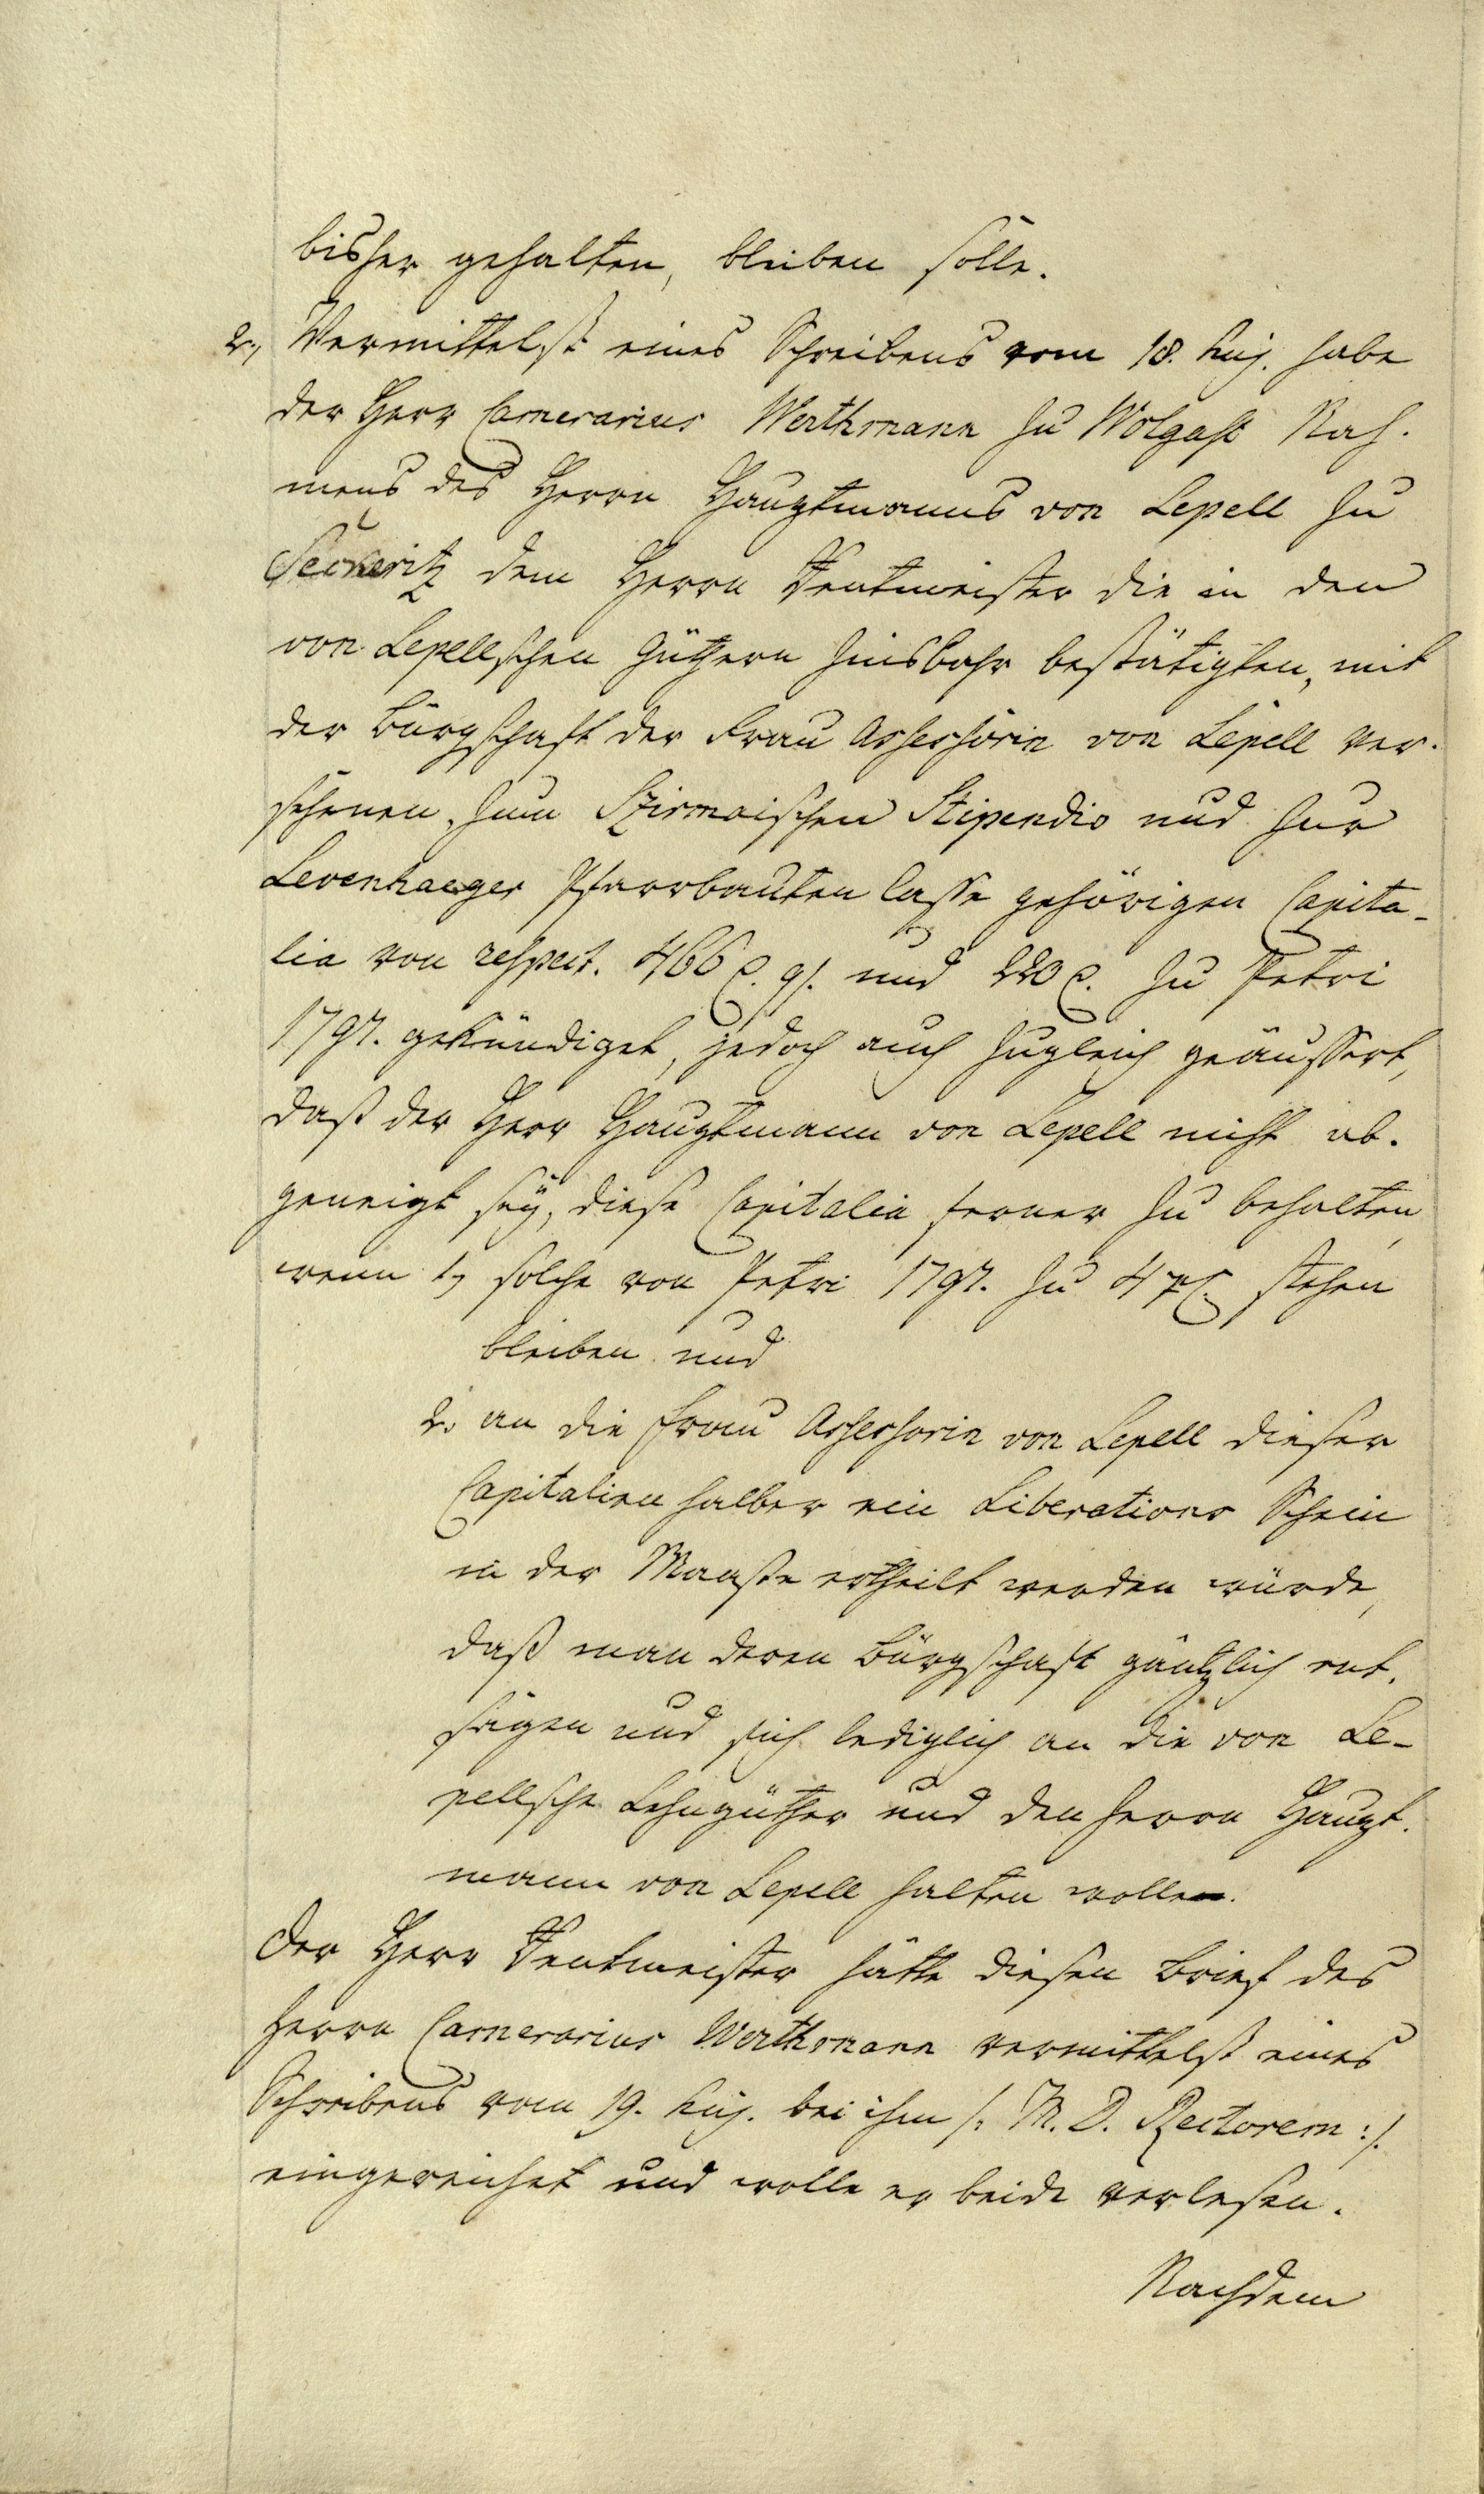bisher gehalten, bleiben solle.
2., Vermittelst eines Schreibens vom 18. huj. habe
der Herr Camerarius Werthmann zu Wolgast Nah¬
mens des Herrn Hauptmanns von Lepell zu
Seckeritz dem Herrn Rentmeister die in den
von Lepellschen Güthern zinsbahr bestätigten, mit
der Bürgschaft der Frau Assessorin von Lepell ver¬
sehenen, zum Szirmaischen Stipendio und zur
Levenhaeger Pfarrbauten Casse gehörigen Capita¬
lia von respect. 466 l. 9 s. und 220 l. zu Petri
1797. gekündiget, jedoch auch zugleich geäussert,
daß der Herr Hauptmann von Lepell nicht ab¬
geneigt seÿ, diese Capitalien ferner zu behalten,
wenn 1, solche von Petri 1797. zu 4 pl. stehen
bleiben und
2. an die Frau Assessorin von Lepell dieser
Capitalien halber ein Liberations Schein
in der Maaße ertheilt werden würde,
daß man deren Bürgschaft gäntzlich ent¬
sagen und sich lediglich an die von Le¬
pellsche Lehngüther und den Herrn Haupt¬
mann von Lepell halten wolle.
Der Herr Rentmeister hätte diesen Brief des
Herrn Camerarius Werthmann vermittelst eines
Schreibens vom 19. huj. bei ihm /: M. D. Rectorem :/.
eingereichet und wolle er beide verlesen.
Nachdem